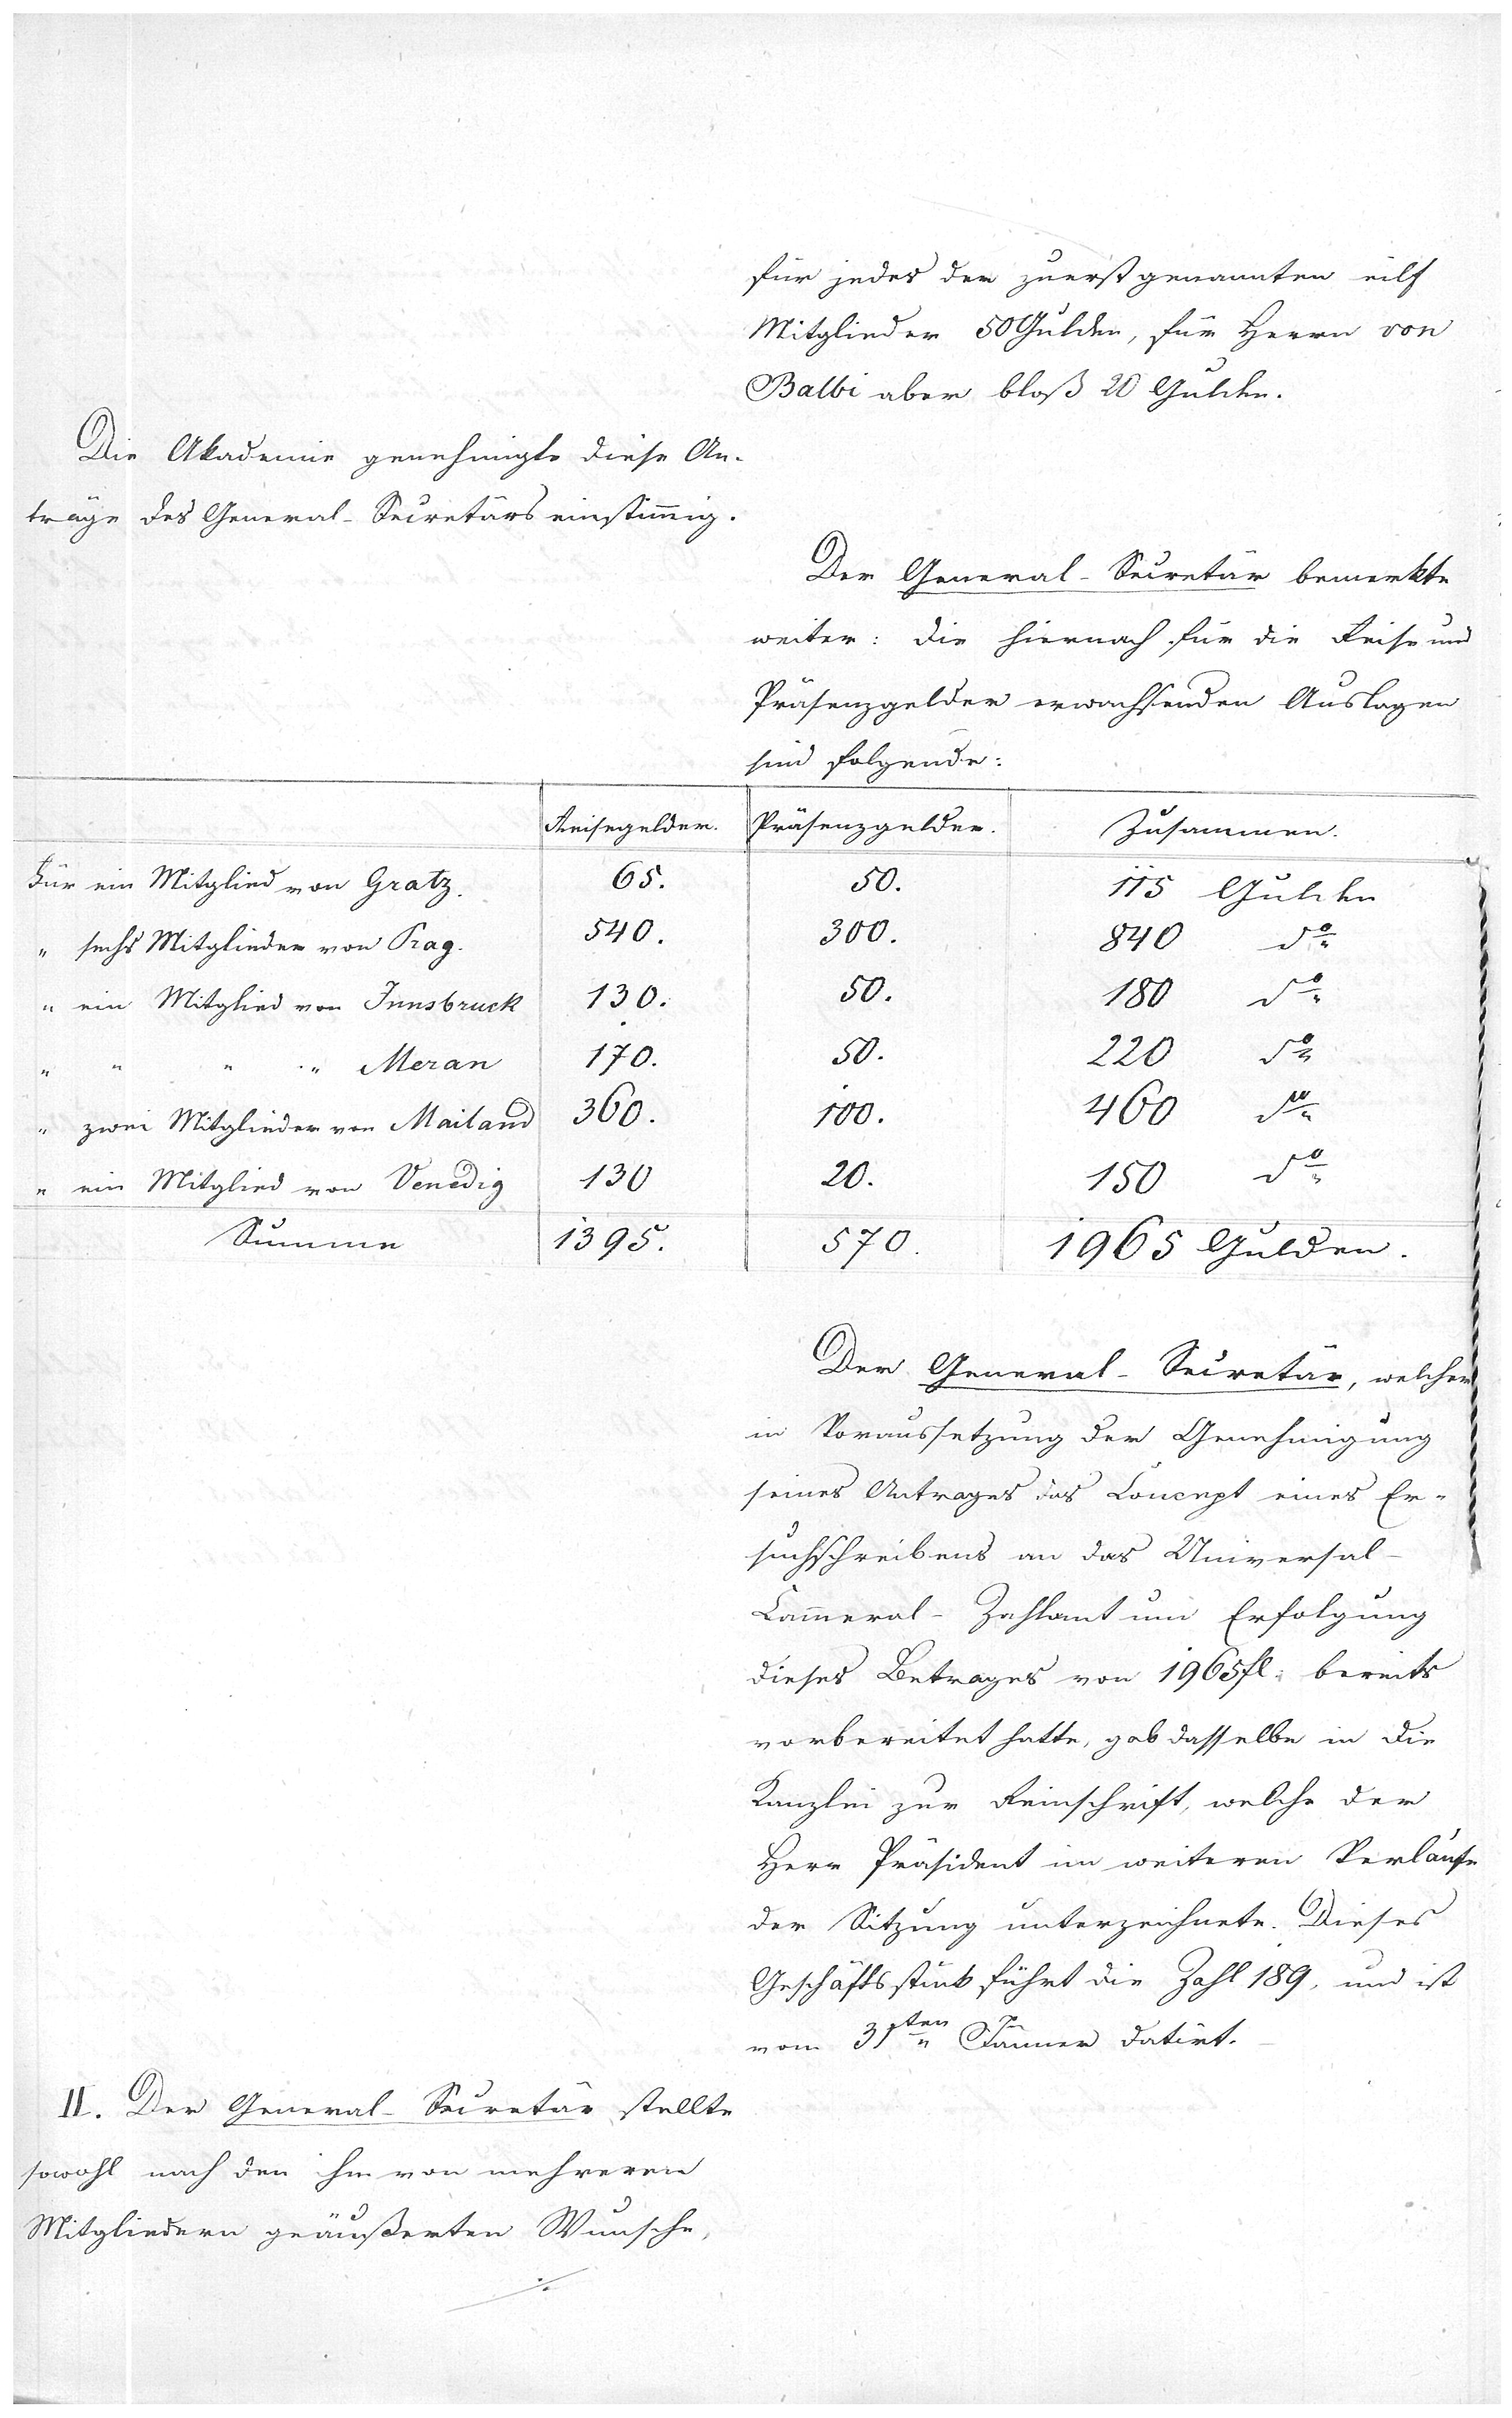für jedes der zuerstgenannten eilf
Mitglieder 50 Gulden, für Herrn von
Balbi aber bloß 20 Gulden.
Die Akademie genehmigt diese An-
träge des General-Secretärs einstimmig.
Der General-Secretär bemerkte
weiter: Die Hiernach für die Reise und
Präsenzgelder erwachsenden Auslagen
sind folgende:
Für ein Mitglied von Gratz
" sechs Mitglieder von Prag
" ein Mitglied von Innsbruck
" " " " Meran
" zwei Mitglieder von Mailand
" ein Mitglied von Venedig
Reisegelder
65.
540.
130.
170.
360.
130
1395.
Präsenzgelder
50.
300.
50.
50.
100.
20.
570.
Zusammen
115 Gulden
840 do.
180 do.
220 do.
460 do.
150 do.
1965 Gulden
Summe
Der General-Secretär, welcher
in Voraussetzung der Genehmigung
seines Antrages das Concept eines Er-
suchschreibens an das Universal-
Cammeral-Zahlamt um Erfolgung
dieses Betrages von 1965 fl. bereits
vorbereitet hatte, gab dasselbe in die Kanzlei
zur Reinschrift, welche der
Herr Präsident im weiteren Verlaufe
der Sitzung unterzeichnete. Dieses
Geschäftsstück führ die Zahl 189, und ist
vom 31ten Jänner datirt.
II. Der General-Secretär stellte
sowohl nach den ihm von mehreren
Mitgliedern geäußerten Wunsche